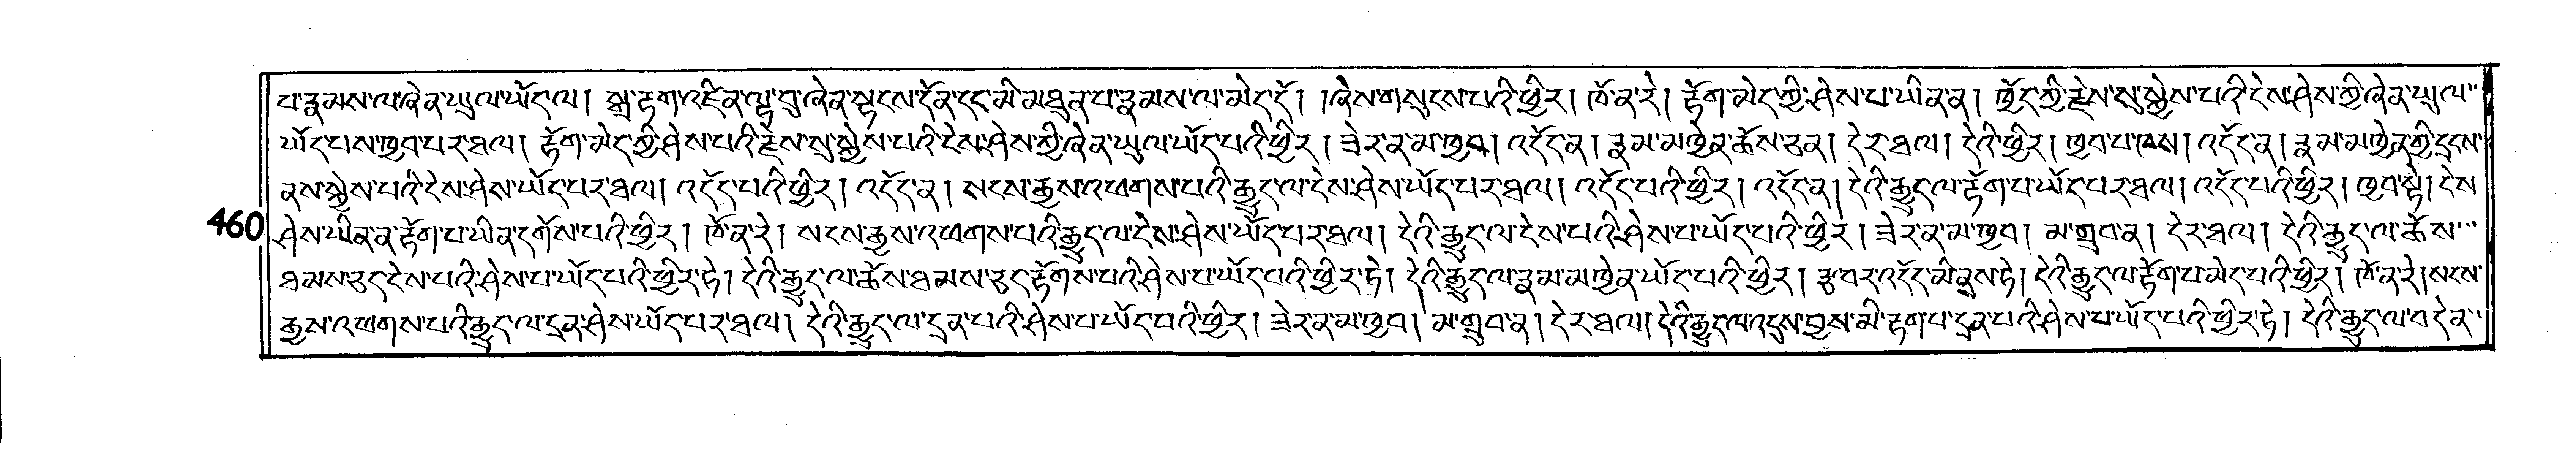པ་རྣམས་ལ་ཞེན་ཡུལ་ཡོད་ལ། སྒྲ་རྟག་འཛིན་ལྟ་བུ་ཞེན་སྟངས་དོན་དང་མི་མཐུན་པ་རྣམས་ལ་མེད་དོ། །ཞེས་གསུངས་པའི་ཕྱིར། ཁོ་ན་རེ། རྟོག་མེད་ཀྱི་ཤེས་པ་ཡིན་ན། ཁྱོད་ཀྱི་རྗེས་སུ་སྐྱེས་པའི་ངེས་ཤེས་ཀྱི་ཞེན་ཡུལ་
ཡོད་པས་ཁྱབ་པར་ཐལ། རྟོག་མེད་ཀྱི་ཤེས་པའི་རྗེས་སུ་སྐྱེས་པའི་ངེས་ཤེས་ཀྱི་ཞེན་ཡུལ་ཡོད་པའི་ཕྱིར། ཟེར་ན་མ་ཁྱབ། འདོད་ན། རྣམ་མཁྱེན་ཆོས་ཅན། དེར་ཐལ། དེའི་ཕྱིར། ཁྱབ་པ་ཁས། འདོད་ན། རྣམ་མཁྱེན་གྱི་དྲངས་
ནས་སྐྱེས་པའི་ངེས་ཤེས་ཡོད་པར་ཐལ། འདོད་པའི་ཕྱིར། འདོད་ན། སངས་རྒྱས་འཕགས་པའི་རྒྱུད་ལ་ངེས་ཤེས་ཡོད་པར་ཐལ། འདོད་པའི་ཕྱིར། འདོད་ན། དེའི་རྒྱུད་ལ་རྟོག་པ་ཡོད་པར་ཐལ། འདོད་པའི་ཕྱིར། ཁྱབ་སྟེ། ངེས་
ཤེས་ཡིན་ན་རྟོག་པ་ཡིན་དགོས་པའི་ཕྱིར། ཁོ་ན་རེ། སངས་རྒྱས་འཕགས་པའི་རྒྱུད་ལ་ངེས་ཤེས་ཡོད་པར་ཐལ། དེའི་རྒྱུད་ལ་ངེས་པའི་ཤེས་པ་ཡོད་པའི་ཕྱིར། ཟེར་ན་མ་ཁྱབ། མ་གྲུབ་ན། དེར་ཐལ། དེའི་རྒྱུད་ལ་ཆོས་
ཐམས་ཅད་ངེས་པའི་ཤེས་པ་ཡོད་པའི་ཕྱིར་ཏེ། དེའི་རྒྱུད་ལ་ཆོས་ཐམས་ཅད་རྟོགས་པའི་ཤེས་པ་ཡོད་པའི་ཕྱིར་ཏེ། དེའི་རྒྱུད་ལ་རྣམ་མཁྱེན་ཡོང་པའི་ཕྱིར། རྩ་བར་འདོད་མི་ནུས་ཏེ། དེའི་རྒྱུད་ལ་རྟོག་པ་མེད་པའི་ཕྱིར། ཁོ་ན་རེ། སངས་
རྒྱས་འཕགས་པའི་རྒྱུད་ལ་དྲན་ཤེས་ཡོད་པར་ཐལ། དེའི་རྒྱུད་ལ་དྲན་པའི་ཤེས་པ་ཡོད་པའི་ཕྱིར། ཟེར་ན་མ་ཁྱབ། མ་གྲུབ་ན། དེར་ཐལ། དེའི་རྒྱུད་ལ་འདུས་བྱས་མི་རྟག་པ་དྲན་པའི་ཤེས་པ་ཡོད་པའི་ཕྱིར་ཏེ། དེའི་རྒྱུད་ལ་བདེན་